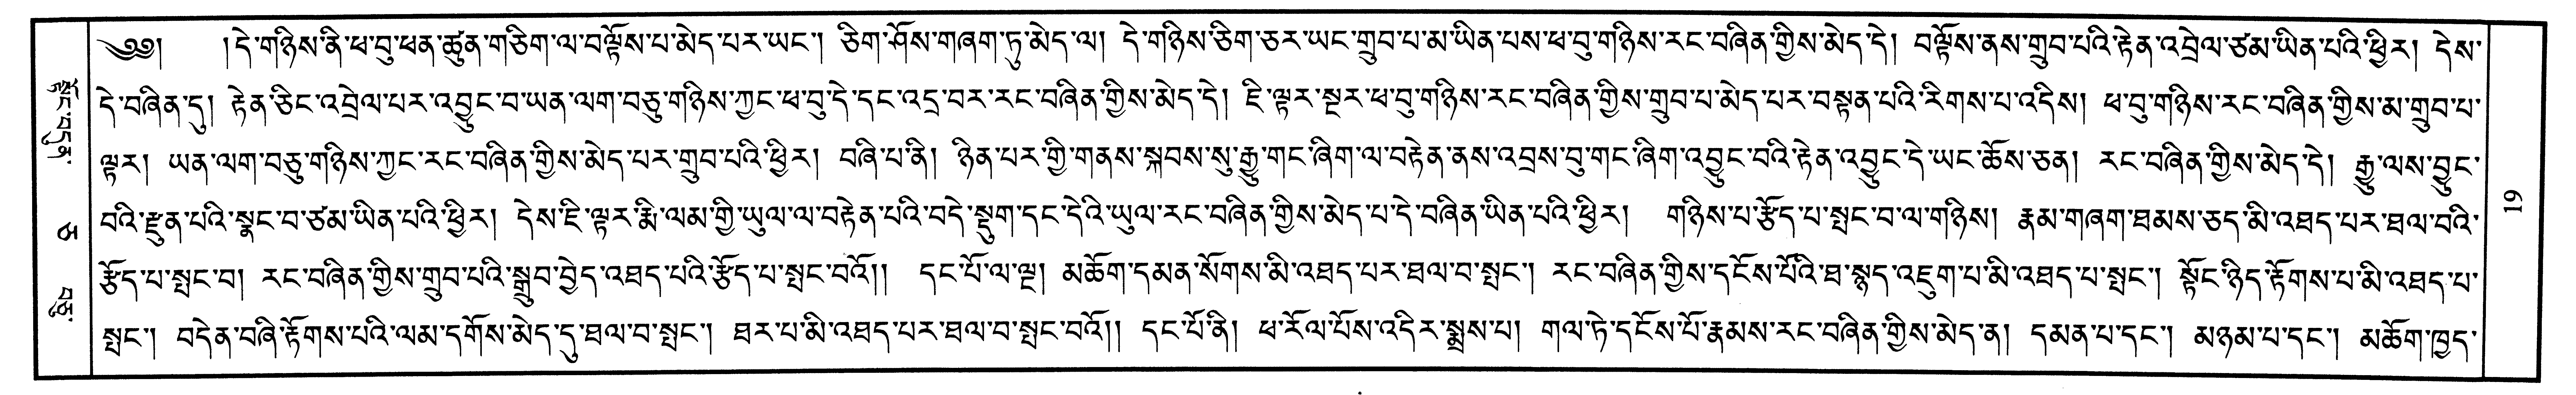༄༅། །དེ་གཉིས་ནི་ཕ་བུ་ཕན་ཚུན་གཅིག་ལ་བལྟོས་པ་མེད་པར་ཡང་། ཅིག་ཤོས་གཞག་ཏུ་མེད་ལ། དེ་གཉིས་ཅིག་ཅར་ཡང་གྲུབ་པ་མ་ཡིན་པས་ཕ་བུ་གཉིས་རང་བཞིན་གྱིས་མེད་དེ། བལྟོས་ནས་གྲུབ་པའི་རྟེན་འབྲེལ་ཙམ་ཡིན་པའི་ཕྱིར། དེས་
དེ་བཞིན་དུ། རྟེན་ཅིང་འབྲེལ་པར་འབྱུང་བ་ཡན་ལག་བཅུ་གཉིས་ཀྱང་ཕ་བུ་དེ་དང་འདྲ་བར་རང་བཞིན་གྱིས་མེད་དེ། ཇི་ལྟར་སྔར་ཕ་བུ་གཉིས་རང་བཞིན་གྱིས་གྲུབ་པ་མེད་པར་བསྟན་པའི་རིགས་པ་འདིས། ཕ་བུ་གཉིས་རང་བཞིན་གྱིས་མ་གྲུབ་པ་
ལྟར། ཡན་ལག་བཅུ་གཉིས་ཀྱང་རང་བཞིན་གྱིས་མེད་པར་གྲུབ་པའི་ཕྱིར། བཞི་པ་ནི། ཉིན་པར་གྱི་གནས་སྐབས་སུ་རྒྱུ་གང་ཞིག་ལ་བརྟེན་ནས་འབྲས་བུ་གང་ཞིག་འབྱུང་བའི་རྟེན་འབྱུང་དེ་ཡང་ཆོས་ཅན། རང་བཞིན་གྱིས་མེད་དེ། རྒྱུ་ལས་བྱུང་
བའི་རྫུན་པའི་སྣང་བ་ཙམ་ཡིན་པའི་ཕྱིར། དེས་ཇི་ལྟར་རྨི་ལམ་གྱི་ཡུལ་ལ་བརྟེན་པའི་བདེ་སྡུག་དང་དེའི་ཡུལ་རང་བཞིན་གྱིས་མེད་པ་དེ་བཞིན་ཡིན་པའི་ཕྱིར། གཉིས་པ་རྩོད་པ་སྤང་བ་ལ་གཉིས། རྣམ་གཞག་ཐམས་ཅད་མི་འཐད་པར་ཐལ་བའི་
རྩོད་པ་སྤང་བ། རང་བཞིན་གྱིས་གྲུབ་པའི་སྒྲུབ་བྱེད་འཐད་པའི་རྩོད་པ་སྤང་བའོ།། དང་པོ་ལ་ལྔ། མཆོག་དམན་སོགས་མི་འཐད་པར་ཐལ་བ་སྤང་། རང་བཞིན་གྱིས་དངོས་པོའི་ཐ་སྙད་འཇུག་པ་མི་འཐད་པ་སྤང་། སྟོང་ཉིད་རྟོགས་པ་མི་འཐད་པ་
སྤང་། བདེན་བཞི་རྟོགས་པའི་ལམ་དགོས་མེད་དུ་ཐལ་བ་སྤང་། ཐར་པ་མི་འཐད་པར་ཐལ་བ་སྤང་བའོ།། དང་པོ་ནི། ཕ་རོལ་པོས་འདིར་སྨྲས་པ། གལ་ཏེ་དངོས་པོ་རྣམས་རང་བཞིན་གྱིས་མེད་ན། དམན་པ་དང་། མཉམ་པ་དང་། མཆོག་ཁྱད་